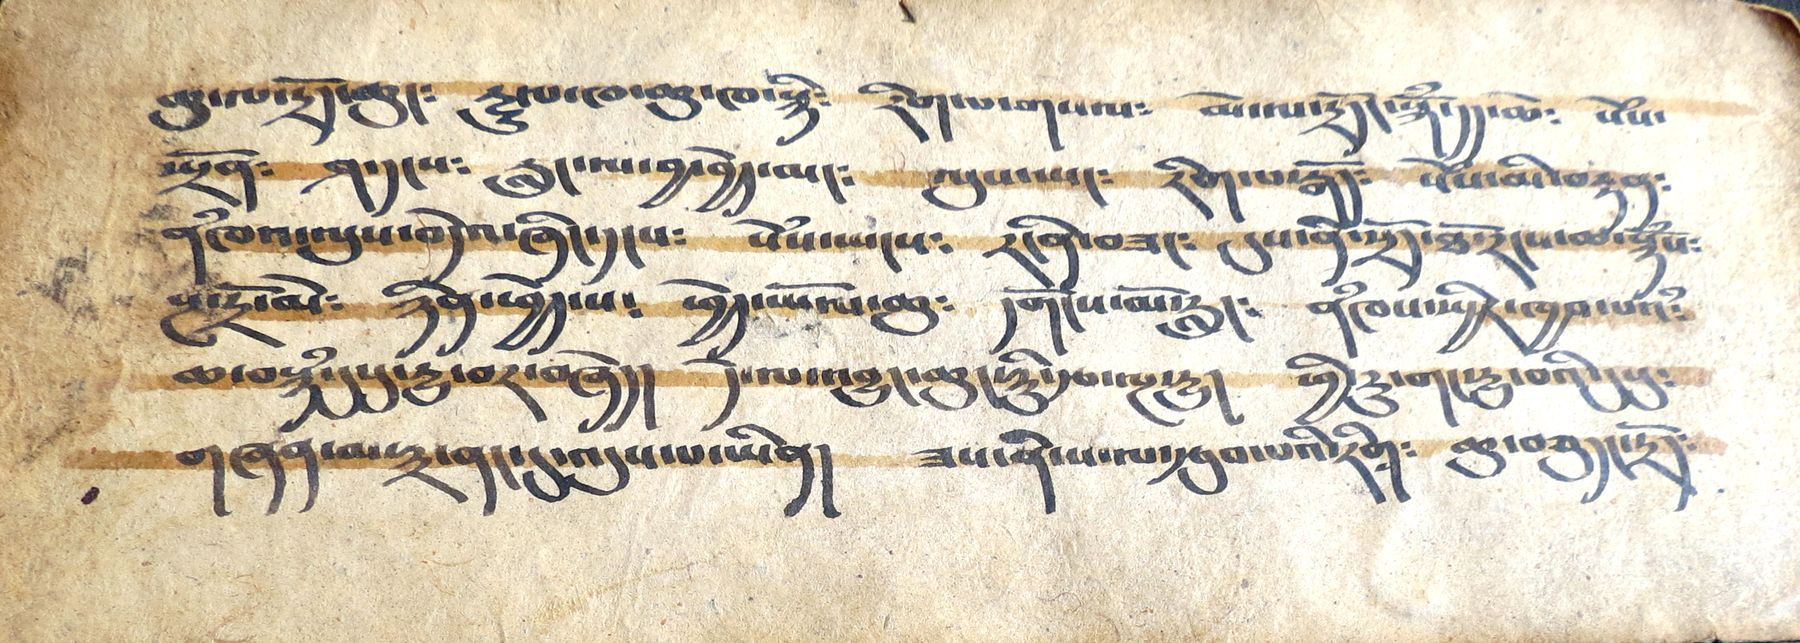ཆུ་ལ་དྲོད་ཆུང་། རྔུལ་རྐ་ཆུ་ཁ་སྙི། རིག་པ་གསལ། མེ་ལ་དྲོད་དང་སྐོམ་དད་ཆེ། སེམས་
སྤྲོ། ཤ་དྭངས། རླུང་ལ་བྱ་བྱེད་མང་། ལུས་ཡང་། རིག་པ་རྒོད། སེམས་མི་བརྟན། 
ནམ་མཁའ་ལུས་སེམས་བདེ་ཞིང་དྭངས། སེམས་ཡང་། རང་བཞིན་བཟང་། དུས་ནི་སྲོད་ཐོ་རངས་ཆ་སྙོམས། 
སྔ་དྲོ་མེ། ཉིན་ཕྱེད་ས། ཕྱེད་ཡོལ་ཆུ། དགོང་མོ་རླུང་། ནམ་མཁའ་སྤྱིར་ཁྱབ་པའམ། 
ཆ་མཉམ་དུ་རྒྱུ་བར་བྱེད། དེ་ལ་འབྱུང་ཆུང་ཉི་ཤུ་རྩ་ལྔ་རྒྱུ། ཕྱི་རུ་གང་རྒྱུ་བའི་དུས་སུ་
གཞན་མ་གསུམ་ནང་དུ་འདུས་པ་ཡིན། ཟས་ནི་ས་ལ་རྩུབ་པའི་རིགས། ཆུ་ལ་བཅུད་དང་དྲོད།